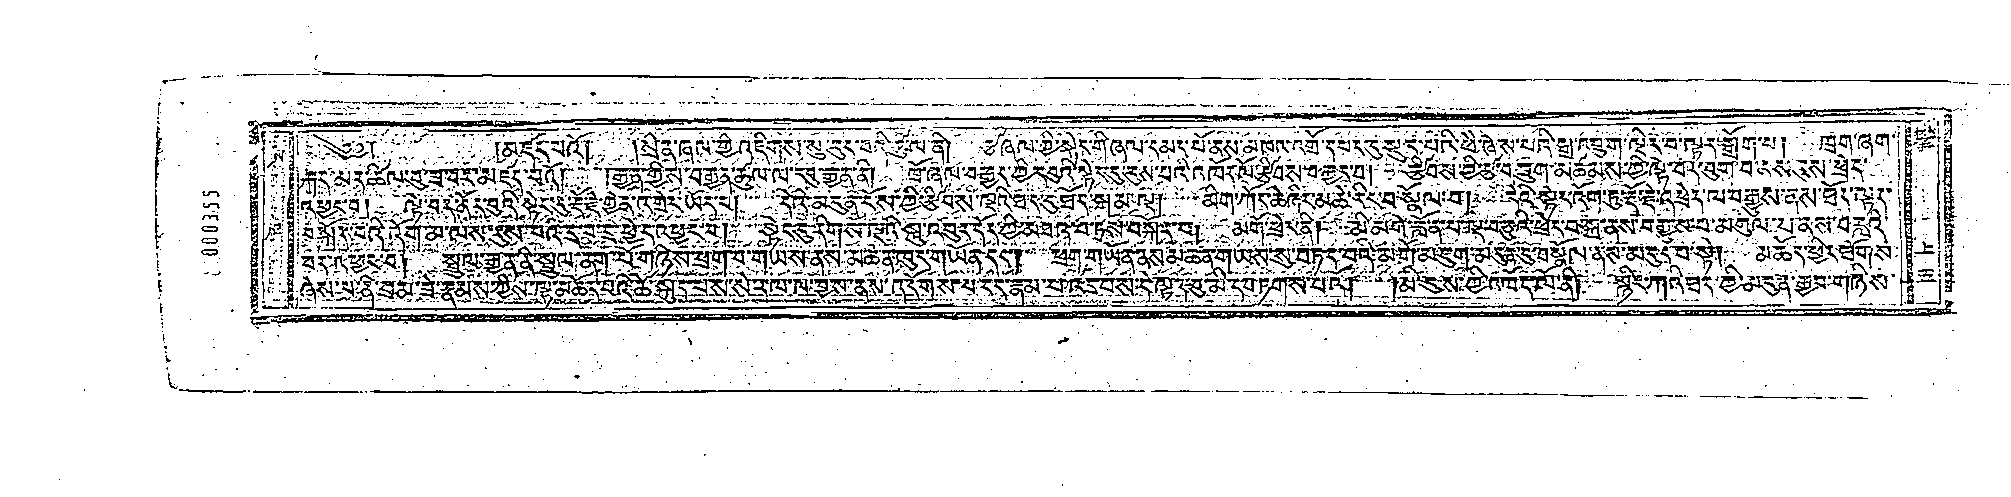༄༅། །མཛད་པའོ། །སྲིན་ཞལ་གྱི་འཇིགས་སུ་རུང་བའི་ཚུལ་ནི། རྩ་ཞལ་གྱི་སྟེང་གི་ཞལ་དམར་པོ་ནས་མཁའ་འགྲོ་དཔང་དུ་སྡུད་པའི་ཕཻ་ཞེས་པའི་སྒྲ་འབྲུག་ལྡེར་བ་ལྟར་སྒྲོག་པ། ཁྲག་ཞག་
རྐང་མར་ཚིལ་བུ་ཟ་བར་མཛད་པའོ། །རྒྱན་གྱིས་བརྒྱན་ཚུལ་ལ་དབུ་རྒྱན་ནི། ཁྲོ་ཞལ་བརྒྱད་ཀྱི་དབུའི་སྟེང་དུ་རུས་པའི་འཁོར་ལོ་རྩིབས་བརྒྱད་བ། རྩིབས་ཀྱི་རྩ་བ་ཟུག་མཚམས་ཀྱི་ལྟེ་བར་བུག་བ་ནས་རུས་ཕྲེང་
འཕྱང་བ། ལྟེ་བར་ནོར་བུའི་སྟེང་དུ་རྡོ་རྗེ་གྱེན་འགྲེང་ཡོད་པ། དེའི་མདུན་ངོས་ཀྱི་རྩིབས་ལྔའི་ཐད་དུ་ཐོད་སྐམ་ལྔ། མིག་ཀོང་ཆེ་ཞིང་མ་ཆེ་རིང་བ་སྣོལ་བ། དེའི་སྟེང་འོག་ཏུ་རྡོ་རྗེ་འཕྲེང་ལ་བརྒྱུས་ནས་ཐོད་ལྟར་
བསྐོར་བའི་འོག་མ་ལས་རུས་པའི་དྲ་བ་དྲ་ཕྱེད་འཕྱང་བ། སྟེང་དུ་རིགས་ལྔའི་སྐུ་འབུར་དོར་ཀྱི་མཐའ་བ་ཏྲས་བསྐོར་བ། མགོ་ཕྲེང་ནི། མི་མགོ་རློན་པ་ལྔ་བཅུའི་ཕྲེང་བ་སྐྲ་ནས་བརྒྱུས་པ་མགུལ་པ་ནས་བརླའི་
བར་འཕྱང་བ། སྦྲུལ་རྒྱན་ནི་སྦྲུལ་ནག་པོ་གཉིས་ཕྲག་བ་གཡས་ནས་མཚན་ཁུད་གཡོན་དང་། ཕྲག་གཡོན་ནས་མཆན་གཡས་སུ་བཏང་བའི་མགོ་མཇུག་མདུན་དུ་བསྣོལ་ནས་མདུད་པ་སྟེ། མཆོད་ཕྱིར་ཐོགས་
ཞེས་པ་ནི་བྲམ་ཟེ་རྣམས་ཀྱིས་ལྷ་མཆོད་པའི་ཚེ་སྐུད་པས་སེ་རལ་ལ་བྱས་ནས་འདོགས་པ་དང་རྣམ་པ་འདྲ་བས་དེ་ལྟར་བུ་མིང་བཏགས་པའོ། །མི་དུས་ཀྱི་འཁོར་ལོ་ནི། སྙིང་ཀའི་ཐད་ཀྱི་མདུན་རྒྱབ་གཉིས་